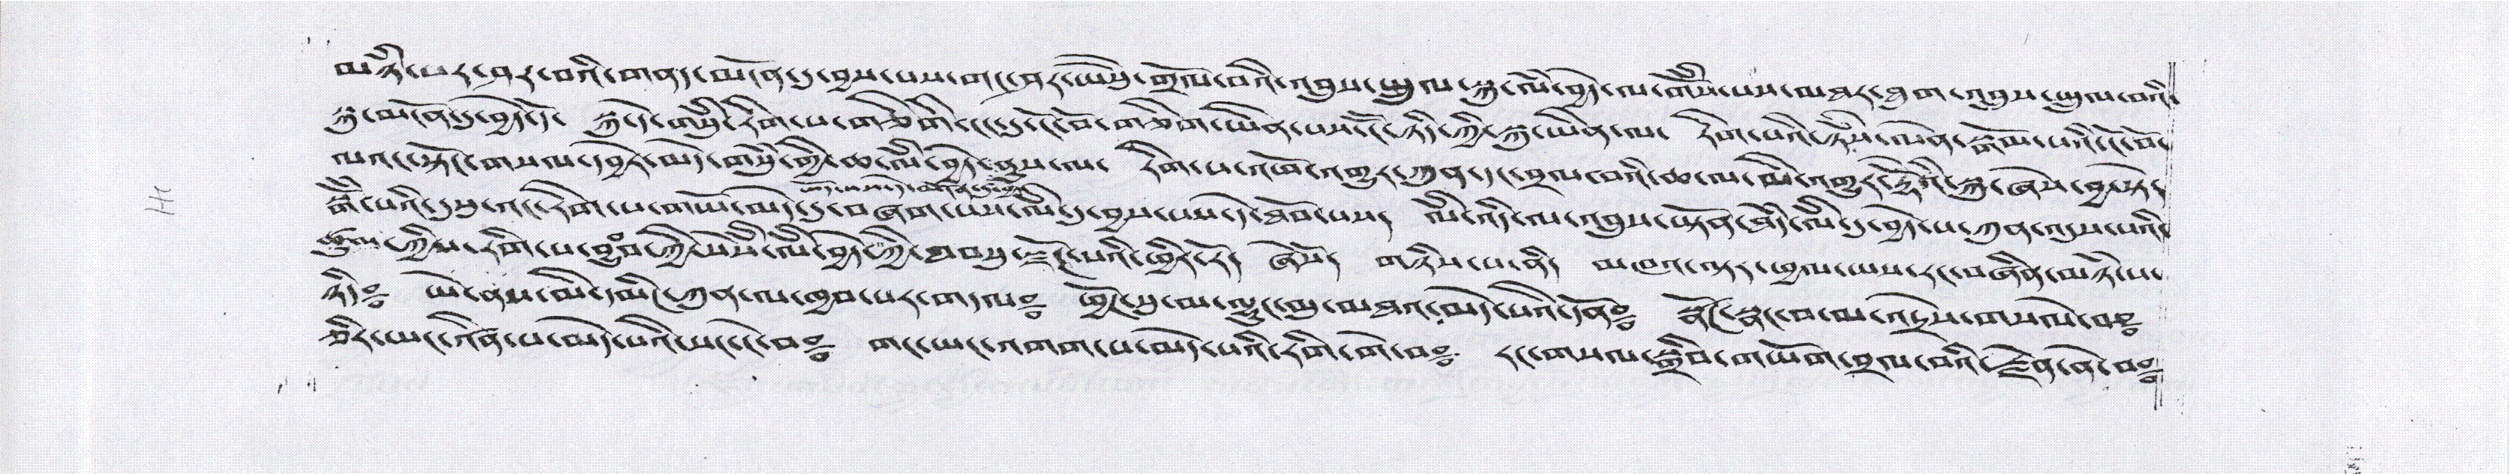མཉམ་པར་ཤར་བའི་གནད་མངོན་དུ་བྱས་པས་གང་ཤར་ཡེ་ཤེས་སུ་གྲོལ་བའི་འབྲས་བུ་སྤྲུལ་སྐུ་ལམ་བྱེད་ལ་གོམས་པས་མཐར་ཐུག་འབྲས་བུ་སྤྲུལ་པའི་
སྐུ་མངོན་དུ་བྱེད་དོ། སྐུ་དེ་གསུམ་རིག་པ་གཅིག་གི་ངང་དུ་ངོ་བོ་གཅིག་ཡིན་པས་ངོ་བོ་ཉིད་ཀྱི་སྐུ་ཡིན་ལ། རིག་པའི་ཉམས་ལེན་སྒོམ་པའི་ངོ་བོ་
ལའང་སྟོང་གསལ་དབྱེར་མེད་གསུམ་གྱི་ཆ་ལམ་བྱེད་༼༽ཡོད་པས་དེ་མངོན་དུ་བྱེད་ནུས་ལ། རིག་པ་འཕོ་འགྱུར་ཀུན་དང་བྲལ་བའི་ཆ་ལ་མི་འགྱུར་རྡོ་རྗེའི་སྐུ་ཞེས་བྱ་སྟེ། 
སྒོམ་པའི་དུས་སུའང་རིག་པ་གཡོ་མེད་དུ་བཞག་པས་ལམ་དུ་བྱས་པས་དེ་ཐོབ་པས། ལམ་འདི་ལ་འབྲས་བུ་ཡོན་ཏན་ཐམས་ཅད་ལམ་དུ་བྱེད་པ་ཀུན་འདུས་པའི་
ཚུལ་གྱིས་རིག་པ་བྱང་ཆུབ་ཀྱི་སེམས་ལམ་བྱེད་ཀྱི་ཐབས་སུ་རྫོགས་པའི་ཕྱིར་རོ། ཞེས་སོ། གཉིས་པ་ནི། མཁའ་ལྟར་ཕྱལ་བས་རང་བཞིན་མཉམ་པ་
ཉིདཿ ཡེ་ནས་མི་དམིགས་ཀུན་ལ་ཁྱབ་པར་གདལཿ ཕྱོགས་སུ་མ་ལྷུང་མུ་མཐའ་མེད་པའི་དོནཿ སྣ་ཚོགས་སྣང་བ་མ་འདྲེས་གསལ་ལེ་བཿ 
ཅིར་ཡང་འཛིན་པ་མེད་པའི་སང་ངེ་བཿ གང་ཡང་འགག་པ་མེད་པའི་རིག་གེ་བཿ རང་གསལ་སྒྲིབ་གཡོགས་བྲལ་བའི་རྗེན་ནེ་བཿ